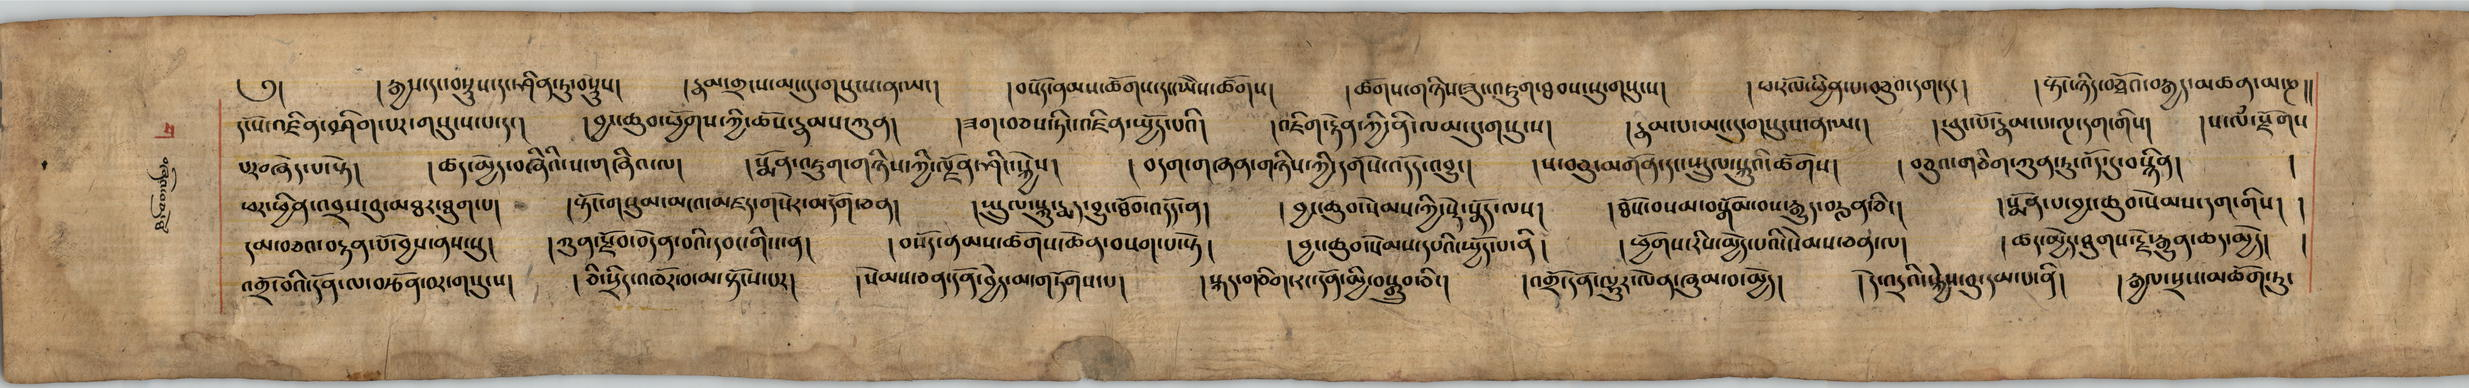༅། །རྒྱས་དང་བསྡུས་དང་ཤིན་ཏུ་བསྡུས། །རྣམ་གྲངས་མང་དུ་གསུངས་ན་ཡང། །བསོད་ནམས་ཚོགས་དང་ཡཻས་ཚོགས། །ཚོགས་གཉིས་ཟུང་འཇུག་རཐབས་སུ་གསུངས། །ཕ་རོལ་ཕྱིན་པ་བཅུའ་དག་དང། །སྟོང་ཉིད་བཅྭོའ་བརྒྱད་མཚན་མ་ཎ།།
དངོས་འཛིན་བཤིག་པར་གསུངས་པ་དང། །བྱང་ཆུབ་ཕྱོགས་ཀྱི་ཆོས་རྣམས་ཀུན། །ཟག་བཅས་ཏིང་འཛིན་སྤྱོད་པའི། འཇིག་རྟེན་ཀྱི་ནི་ལམ་དུ་གསུངས། །རྣམས་པ་མང་དུ་གསུངས་ན་ཡང། །ཕུང་པོ་རྣམ་པ་ལྔ་དག་གིས། ས་ལཾ་སྫོགས
པར་བཞེད་པ་སྟེ། །ཚད་མྱེད་བཞཱིའི་ས་གཞིའ་ལ། །སྨོན་འཇུག་གཉིས་ཀྱི་ལྗོན་ཤིང་སྐྱེས། །བདག་གཞན་གཉིས་ཀྱི་དགོས་འདོད་འབྱུང། ས་བཅུ་མགོན་དང་སྤྲུལ་སྐུའི་ཚོགས། བཅུའ་གཅིག་ཀུན་ཏུ་འོད་དུ་བསྙིལ།
ཕར་ཕྱིན་འབྲས་བུ་མཐར་ཐུག་པ། །སྟོང་གསུམ་མངའ་མཛད་གསེར་མདོག་ཅན། །སྤྲུལ་སྐུ་རྨད་དུ་བྱུང་ཐོབ་འདོད་ན། །བྱང་ཆུབ་སེམས་ཀྱི་སྡེ་སྣོད་ལས། །ཐོས་བསམ་བསྒོམ་བས་རྒྱུད་བརླན་ཅིང། །སྨོན་པ་བྱང་ཆུབ་སེམས་དག་གིས། །
དམ་བཅའ་བརྟན་པོ་བྱས་ནས་སུ། །ཀུན་སྫོབ་བདེན་བའི་དབང་གིས་ན། །བསོད་ནམས་ཚོགས་ཆེན་བསགས་པ་སྟེ། །བྱང་ཆུབ་སེམས་དཔའི་སྤྱོད་པ་ནི། །ཕྱོགས་རིས་མྱེད་པའི་སེམས་ཅན་ལ། །ཚད་མྱེད་ཐུགས་རྗེ་རྒྱུན་ཆད་མྱེད།
འགྲོ་བའི་དོན་ལ་བརྩོན་བར་གསུངས། །ཅི་སྲིད་འཁོར་བ་མ་སྟོངས་པར། །སེམས་ཅན་དོན་བྱེད་མ་གཏོགས་པ། །སྐད་གཅིག་རང་དོན་མྱི་བསྒྲུབ་ཅིང། །འགྲོ་དོན་ལྷུར་ལེན་ཞུམ་བ་མྱེད། །དེ་འདྲའི་སྐྱེས་བུ་དམ་པ་ནི། །རྒྱལ་སྲས་མཆོག་ཏུ་